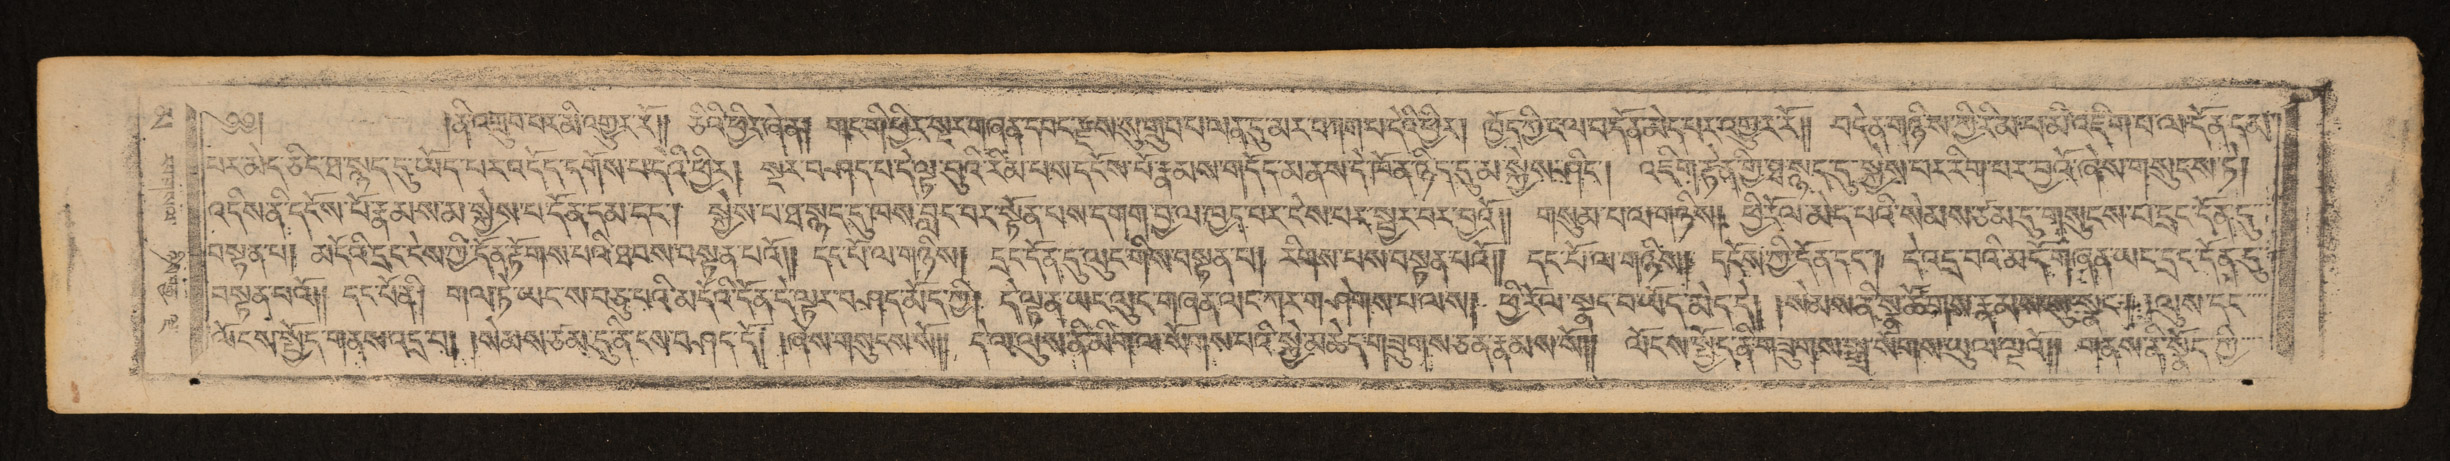༄༅། །ནི་འགྲུབ་པར་མི་འགྱུར་རོ།། ཅིའི་ཕྱིར་ཞེ་ན། གང་གི་ཕྱིར་སྔར་གཞན་དབང་རྫས་སུ་གྲུབ་པ་ལན་དུ་མར་བཀག་པ་དེའི་ཕྱིར། ཁྱོད་ཀྱི་ངལ་བ་དོན་མེད་པར་འགྱུར་རོ།། བདེན་གཉིས་ཀྱི་རིམ་པ་མི་འཇིག་པ་ལ་དོན་དམ་
པར་མེད་ཅིང་ཐ་སྙད་དུ་ཡོད་པར་འདོད་དགོས་པ་དེའི་ཕྱིར། སྔར་བཤད་པ་དེ་ལྟ་བུའི་རིམ་པས་དངོས་པོ་རྣམས་གདོད་མ་ནས་དེ་ཁོ་ན་ཉིད་དུ་མ་སྐྱེས་ཤིང་། འཇིག་རྟེན་གྱི་ཐ་སྙད་དུ་སྐྱེས་པར་རིག་པར་བྱའོ་ཞེས་གསུངས་ཏེ།
འདིས་ནི་དངོས་པོ་རྣམས་མ་སྐྱེས་པ་དོན་དམ་དང་། སྐྱེས་པ་ཐ་སྙད་དུ་ཁས་བླང་བར་སྟོན་པས་དགག་བྱ་ལ་ཁྱད་པར་ངེས་པར་སྦྱར་བར་བྱའོ།། གསུམ་པ་ལ་གཉིས། ཕྱི་རོལ་མེད་པའི་སེམས་ཙམ་དུ་གསུངས་པ་དྲང་དོན་དུ་
བསྟན་པ། མདོའི་དྲང་ངེས་ཀྱི་དོན་རྟོགས་པའི་ཐབས་བསྟན་པའོ།། དང་པོ་ལ་གཉིས། དྲང་དོན་དུ་ལུང་གིས་བསྟན་པ། རིགས་པས་བསྟན་པའོ།། དང་པོ་ལ་གཉིས། དངོས་ཀྱི་དོན་དང་། དེ་འདྲ་བའི་མདོ་གཞན་ཡང་དྲང་དོན་དུ་
བསྟན་པའོ།། དང་པོ་ནི། གལ་ཏེ་ཡང་ས་བཅུ་པའི་མདོའི་དོན་དེ་ལྟར་བཤད་མོད་ཀྱི། དེ་ལྟ་ན་ཡང་ལུང་གཞན་ལང་ཀར་གཤེགས་པ་ལས། ཕྱི་རོལ་སྣང་བ་ཡོད་མེད་དེ། །སེམས་ནི་སྣ་ཚོགས་རྣམས་སུ་སྣང་། །ལུས་དང་
ལོངས་སྤྱོད་གནས་འདྲ་བ། །སེམས་ཙམ་དུ་ནི་ངས་བཤད་དོ། །ཞེས་གསུངས་སོ།། དེ་ལ་ལུས་ནི་མིག་ལ་སོགས་པའི་སྐྱེ་མཆེད་གཟུགས་ཅན་རྣམས་སོ།། ལོངས་སྤྱོད་ནི་གཟུགས་སྒྲ་སོགས་ཡུལ་ལྔའོ།། གནས་ནི་སྣོད་ཀྱི་